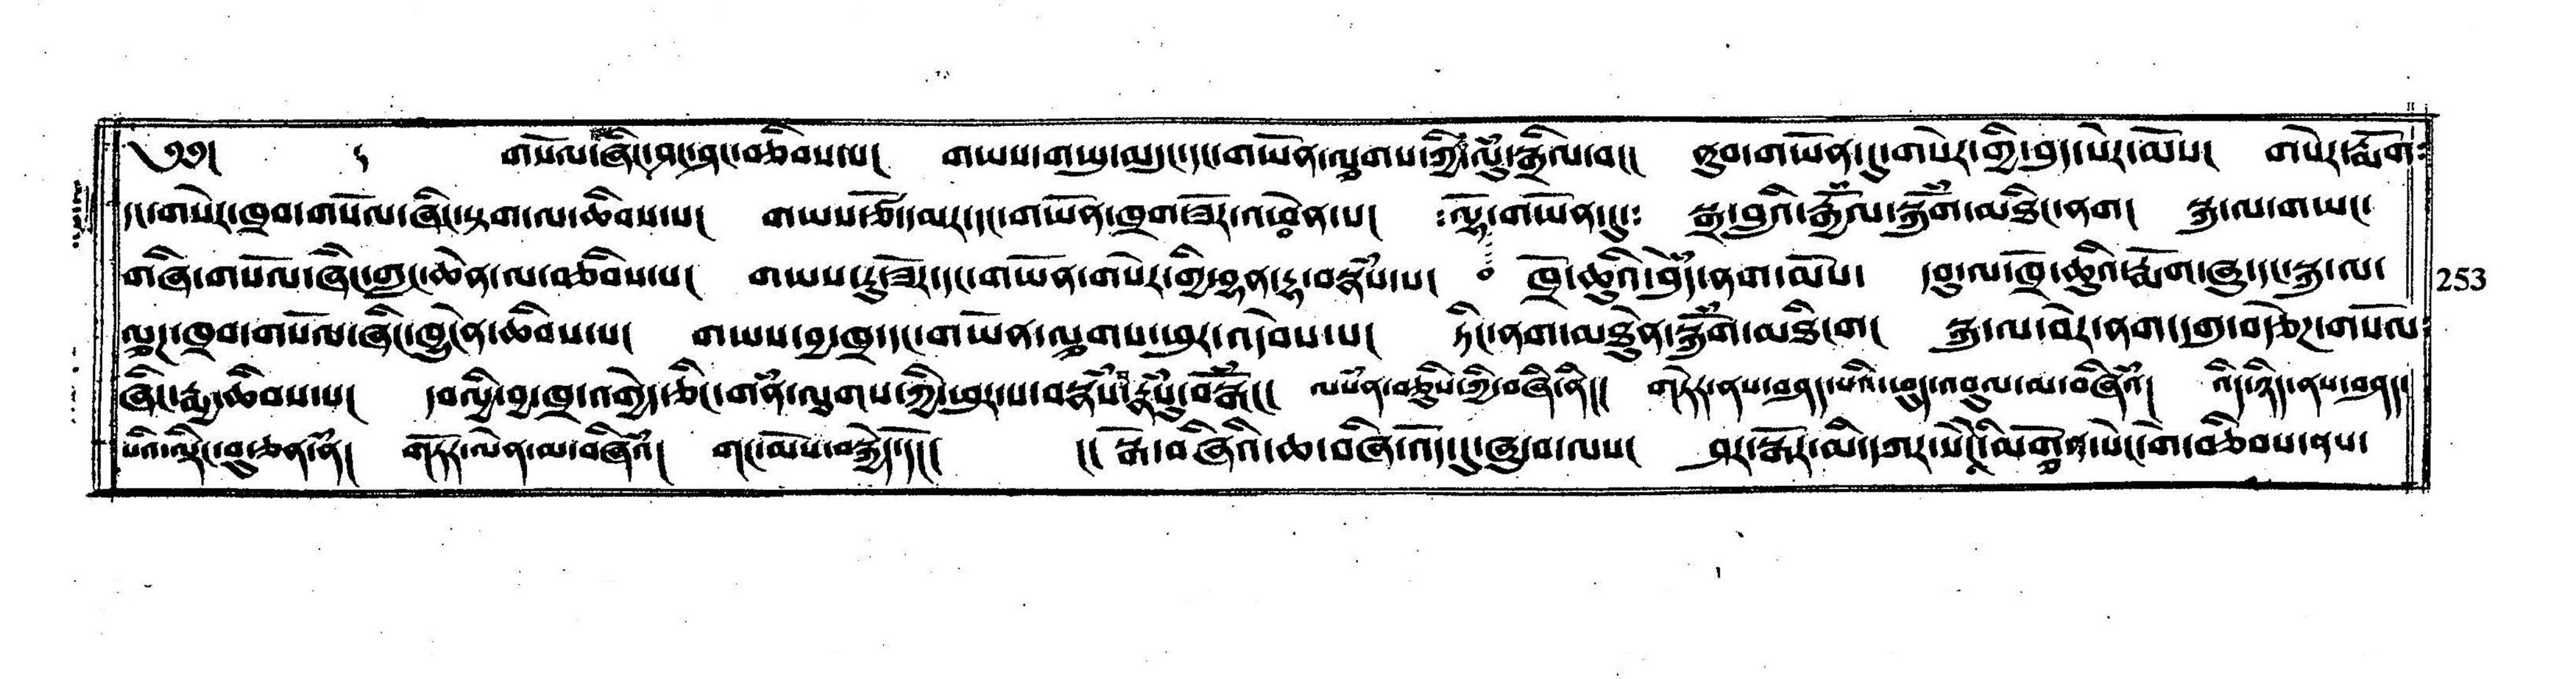གསོལ་ཞིང་ཤང་ཤང་བཅིབས་ལ། གཡས་གཡུ་མདུང་དང་གཡོན་ལྕགས་ཀྱི་ཐུ་ལུམ་སྒྲིལ་བ།། ནུབ་གཡོན་དུ་གསེར་གྱི་བུད་སེར་མོས། གསེར་རྨོག་
དང་གསེར་ཁྲབ་གསོལ་ཞིང་སྟག་ལ་ཆིབས་པ། གཡས་ཙོ་དམར་དང་གཡོན་ཁྲག་ཟོར་འཕེན་པ། སྒྲ་བླའི་རྒྱལ་མོ་སྐུ་མདོག་མཐིང་ནག སྐུ་ལ་གཡང་
གཞི་གསོལ་ཞིང་གླང་ཆེན་ལ་བཅིབས་པ། གཡས་རུ་ཟོར་དང་གཡོན་གསེར་གྱི་བྷན་དྷ་བསྣམས་པ། ལྷོ་གཡོན་དུ་ཁྲོ་ཆུའི་བུད་མེད་ནག་མོས་དབུ་ལ་ཁྲོ་ཆུའི་རྨོག་ཞུ་དང་སྐུ་ལ་
ལྕགས་ཁྲབ་གསོལ་ཞིང་ཁྱུང་ཆེན་ཆིབས་པ། གཡས་བྱ་ཁྲ་དང་གཡོན་ལྕགས་ཕུར་འདེབས་པ། ཏིང་ནག་མཐུ་ཆེན་སྐུ་མདོག་མཐིང་ནག སྐུ་ལ་བེར་ནག་དགུ་བརྩེགས་གསོལ་
ཞིང་རྨ་བྱ་ཆིབས་པ། དབལ་གྱི་བྱ་ཁྲ་འགྱེད་ཅིང་གནམ་ལྕགས་ཀྱི་ཕུར་པ་བསྣམས་པ་རྣམས་སུ་བསྒོམ།། ལས་མཁན་བཅུ་གཉིས་ཀྱི་བཞི་ནི།། གཏེར་ནས་བཤད་པའི་ཕུད་འབུལ་མ་བཞིའམ། འདི་ཉིད་ནས་བཤད་
པའི་ལྡིང་བུ་ཅན་ནམ། གཏོར་ལེན་མ་བཞིའམ། གང་མོས་བསྐྱེད་དོ། །།སྒོ་བཞིའི་ཆ་བཞི་འོད་དུ་ཞུ་བ་ལས། ཤར་སྒོར་མི་དཀར་སེང་གེའི་མགོ་ཅན་སེང་གེ་བཅིབས་ནས་